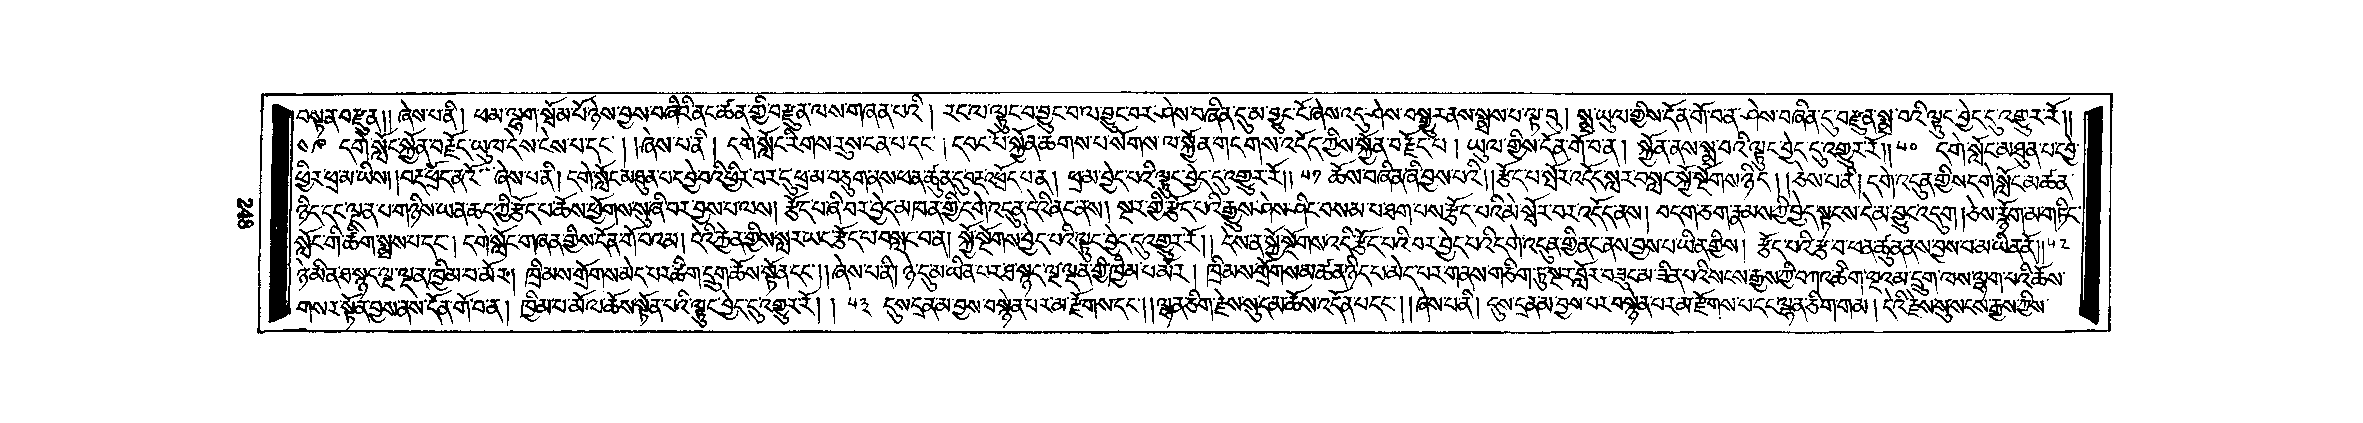བསྟན་བརྫུན། །ཞེས་པ་ནི། ཕམ་ལྷག་སྦོམ་པོ་ཉེས་བྱས་བཞིའི་ནང་ཚན་གྱི་བརྫུན་ལས་གཞན་པའི། རང་ལ་ལྟུང་བ་བྱུང་བ་ལ་བྱུང་བར་ཤེས་བཞིན་དུ་མ་བྱུང་ངོ་ཞེས་འདུ་ཤེས་བསྒྱུར་ནས་སྨྲས་པ་ལྟ་བུ། སྨྲ་ཡུལ་གྱིས་དོན་གོ་བ་ན་ཤེས་བཞིན་དུ་བརྫུན་སྨྲ་བའི་ལྟུང་བྱེད་དུ་འགྱུར་རོ། །
དགེ་སློང་སྐྱོན་བརྗོད་ཡུལ་དེས་ངེས་པ་དང་། །ཞེས་པ་ནི། དགེ་སློང་རིགས་རུས་ངན་པ་དང་། དབང་པོ་སྐྱོན་ཆགས་པ་སོགས་ལ་སྐྱོན་གདགས་འདོད་ཀྱིས་སྐྱོན་བརྗོད་པ། ཡུལ་གྱིས་དོན་གོ་བ་ན། སྐྱོན་ནས་སྨྲ་བའི་ལྟུང་བྱེད་དུ་འགྱུར་རོ། །དགེ་སློང་མཐུན་པ་དབྱེ་
ཕྱིར་ཕྲ་མ་ཡིས། །བརྡ་ཕྲོད་ནའོ་ཞེས་པ་ནི། དགེ་སློང་མཐུན་པ་དབྱེ་བའི་ཕྱིར་བར་དུ་ཕྲ་མ་བཅུག་ནས་ཕན་ཚུན་དུ་བརྡ་འཕྲོད་པ་ན། ཕྲ་མ་བྱེད་པའི་ལྟུང་བྱེད་དུ་འགྱུར་རོ། །ཆོས་བཞིན་ཞི་བྱས་པའི། །རྩོད་པ་སྤོར་འདོད་སླར་བསླང་སྐྱོ་སྔོགས་ཉིད། །ཅེས་པ་ནི། དགེ་འདུན་གྱིས་དགེ་སློང་མཚན་
ཉིད་དང་ལྡན་པ་གཉིས་ཡན་ཆད་ཀྱི་རྩོད་པ་ཆོས་ཕྱོགས་སུ་ཞི་བར་བྱས་པ་ལས། རྩོད་པ་ཞི་བར་བྱེད་མཁན་གྱི་དགེ་འདུན་དེའི་ནང་ནས། སྔར་གྱི་རྩོད་པའི་རྒྱུས་ཤེས་ཤིང་བསམ་པ་ཐག་པས་རྩོད་པའི་མེ་སྦོར་བར་འདོད་ནས། བདག་ཅག་རྣམས་ཀྱི་བྱེད་སྟངས་དེ་མ་བྱུང་འདུག །ཅེས་རྙོག་མ་གཏིང་
སློང་གི་ཚིག་སྨྲས་པ་དང་། དགེ་སློང་གཞན་གྱིས་དོན་གོ་བའམ། དེའི་རྐྱེན་གྱིས་སླར་ཡང་རྩོད་པ་བསླང་བ་ན། སྐྱོ་སྔོགས་བྱེད་པའི་ལྟུང་བྱེད་དུ་འགྱུར་རོ། །དེས་ན་སྐྱོ་སྔོགས་འདི་རྩོད་པའི་བར་བྱེད་པའི་དགེ་འདུན་གྱི་ནང་ནས་བྱས་པ་ཡིན་གྱིས། རྩོད་པའི་རྩ་བ་ཕན་ཚུན་ནས་བྱས་པ་མ་ཡིན་ནོ། །
ཉེ་མིན་ཐ་སྙད་ལྔ་ལྡན་ཁྱིམ་པ་མོར། ཁྲིམས་གྲོགས་མེད་པར་ཚིག་དྲུག་ཆོས་སྟོན་དང་། །ཞེས་པ་ནི། ཉེ་དུ་མ་ཡིན་པར་ཐ་སྙད་ལྔ་ལྡན་གྱི་ཁྱིམ་པ་མོར། ཁྲིམས་གྲོགས་མཚན་ཉིད་པ་མེད་པར་གནས་གཅིག་ཏུ་སྔར་བློར་བཟུང་མ་ཟིན་པའི་སངས་རྒྱས་ཀྱི་བཀའ་ཚིག་ལྔའམ་དྲུག་ལས་ལྷག་པའི་ཆོས་
གསར་སྟོན་བྱས་ནས་དོན་གོ་བ་ན། ཁྱིམ་པ་མོ་ལ་ཆོས་སྟོན་པའི་ལྟུང་བྱེད་དུ་འགྱུར་རོ། །དུས་དྲན་མ་བྱས་བསྙེན་པར་མ་རྫོགས་དང་། །ལྷན་ཅིག་རྗེས་སུ་དམ་ཆོས་འདོན་པ་དང་། །ཞེས་པ་ནི། དུས་དྲན་མ་བྱས་པར་བསྙེན་པར་མ་རྫོགས་པ་དང་ལྷན་ཅིག་གམ། དེའི་རྗེས་སུ་སངས་རྒྱས་ཀྱིས་